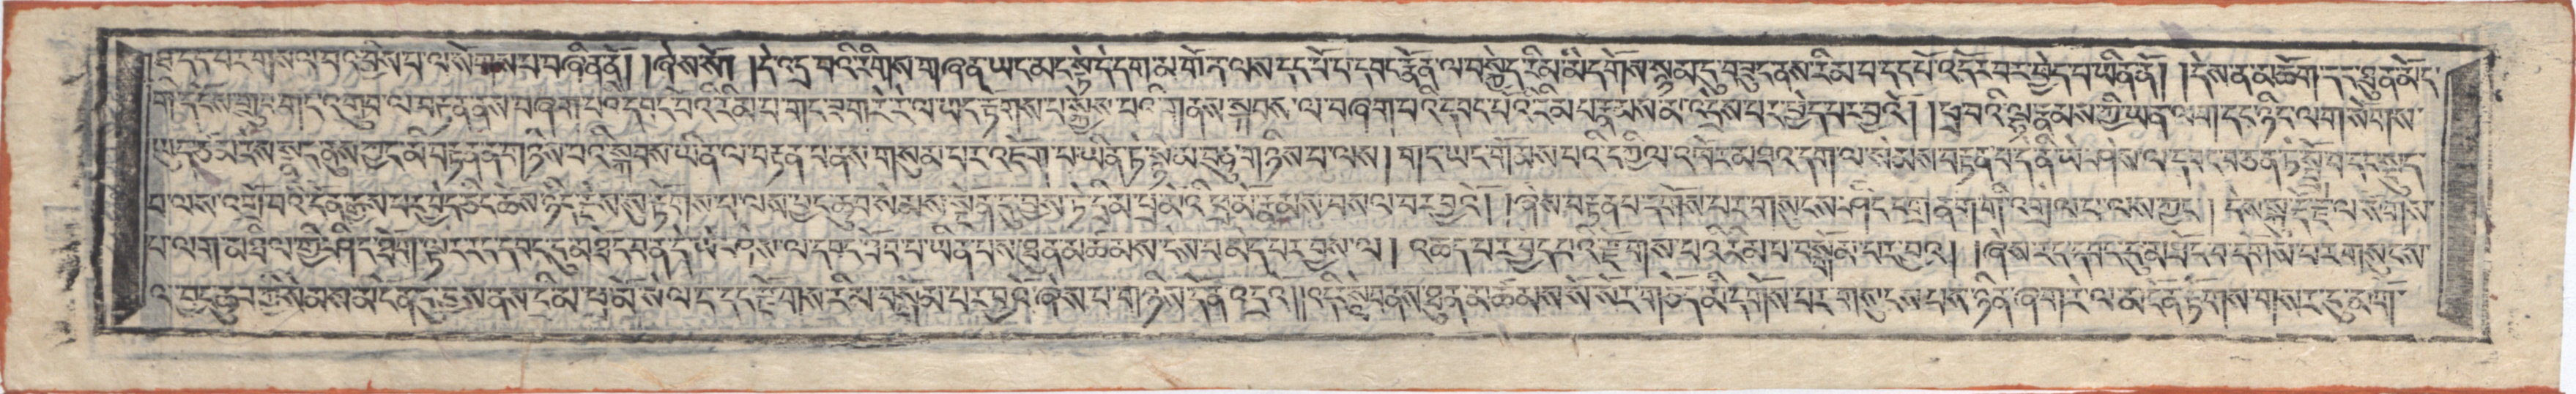ཐ་དད་པར་གསལ་བའི་བྱིས་པ་ལ་སོགས་པ་བཞིན་ནོ། །ཞེས་སོ། །དེ་འདྲ་བའི་རིགས་གཞན་ཡང་མང་སྟེ་དེ་དག་མ་གོ་ན་ལས་དང་པོ་པ་དབང་རྣོན་ལ་བསྐྱེད་རིམ་མི་དགོས་སྙམ་དུ་བཟུང་ནས་རིམ་པ་དང་པོ་འདོར་བར་བྱེད་པ་ཡིན་ནོ། །དེས་ན་མཆོག་དང་ཐུན་མོང་
གི་དངོས་གྲུབ་གང་འགྲུབ་ལ་བརྟན་ནས་བཞག་པའི་དབང་པོའི་རིམ་པ་གང་ཟག་རེ་རེ་ལ་ཡང་རྟོགས་པ་སྐྱེས་པའི་གནས་སྐབས་ལ་བཞག་པའི་དབང་པོའི་རིམ་པ་རྣམས་མ་འདྲེས་པར་ཕྱེད་པར་བྱའོ། །ཕྲ་བའི་ལྷ་རྣམས་ཀྱི་ཡན་ལག་དང་ཉིད་ལག་སོགས་
ཡུད་ཙམ་རེས་སྣང་ནུས་ཀྱང་མི་བརྟན་ན་གཉིས་པའི་སྐབས་ཡིན་ལ་བརྟན་པ་ནས་གསུམ་པར་འཇོག་པ་ཡིན་ཏེ་སྙེ་མ་བཅུ་གཉིས་པ་ལས། གང་ཡང་གོམས་པའི་དཀྱིལ་འཁོར་མཐའ་དག་ལ་སེམས་བརྟན་པ་དེ་ནི་ཡེ་ཤེས་ལ་དབང་བ་ཅན་ཏེ་སྤྲོ་བ་དང་སྡུད་
པ་ལས་འགྲོ་བའི་དོན་རྒྱས་པར་བྱེད་ཅིང་ཆོས་ཉིད་རྗེས་སུ་རྟོགས་པ་ལས་བྱང་ཆུབ་སེམས་སྔོན་དུ་བྱས་ཏེ་དྲི་མ་ཕྲ་མོའི་ཕྲ་མོ་རྣམས་བསལ་བར་བྱའོ། །ཞེས་བརྟན་པ་དགོས་པར་གསུངས་ཤིང་དགྲ་ནག་གི་འགྲེལ་པ་ལས་ཀྱང་། དེས་སྐུ་རྡོ་རྗེ་ལ་སོགས་
པ་ལག་མཐིལ་གྱི་ཤིང་ཐོག་ལྟར་རང་དབང་དུ་མཐོང་བ་ན་དེ་ཡེ་ཤེས་ལ་དབང་ཐོབ་པ་ཡིན་པས་ཐུན་མཚམས་ངེས་པ་མེད་པར་བྱས་ལ། འཆད་པར་བྱེད་པའི་རྫོགས་པའི་རིམ་པ་བསྒོམ་པར་བྱའོ། །ཞེས་རང་དབང་དུ་མཐོང་བ་དགོས་པར་གསུངས་
ལ་བྱང་ཆུབ་ཀྱི་སེམས་མངོན་དུ་བྱས་ནས་དྲི་མ་ཕྲ་མོ་སེལ་བ་དང་རྫོགས་རིམ་བསྒོམ་པར་བྱའོ་ཞེས་པ་གཉིས་དོན་འདྲའོ། །འདིར་སླེབ་ནས་ཐུན་མཚམས་སོ་སོར་གཅོད་མི་དགོས་པར་གསུངས་པས་ཉིན་ཞག་རེ་ལ་མངོན་རྟོགས་གསར་དུ་མགོ་